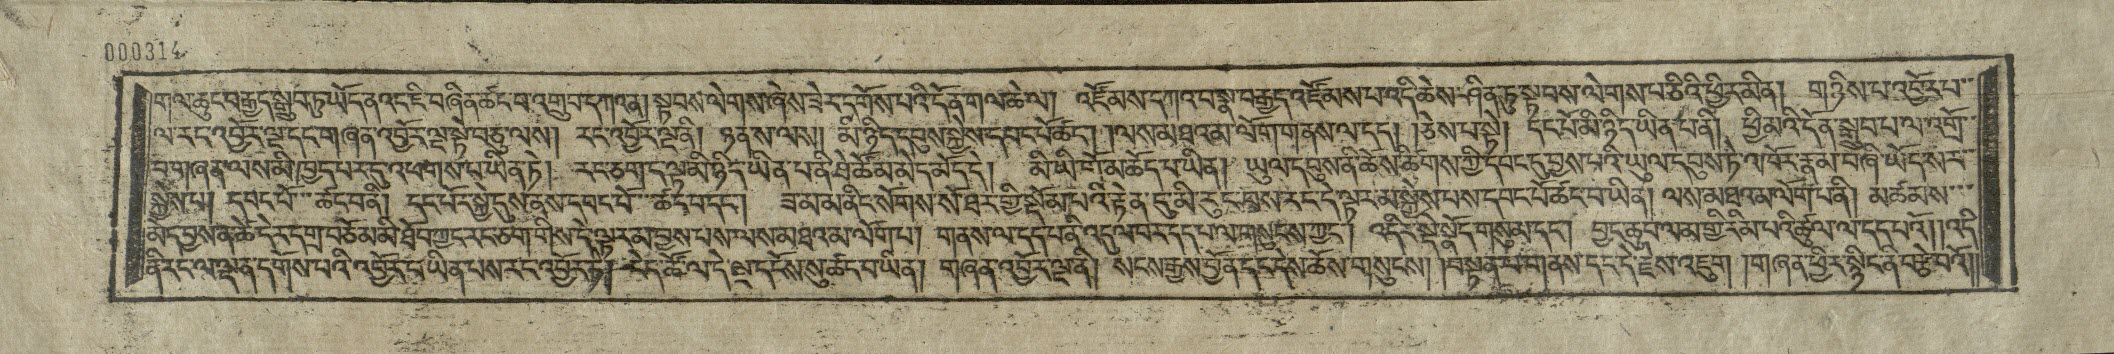གལ་ཆུང་བརྒྱད་སྒྲུབ་ཏུ་ཡོད་ནའང་ཇི་བཞིན་ཚང་བ་འགྲུབ་དཀའ་ན། སྟབས་ལེགས་ཞེས་ཟེར་དགོས་པའི་དོན་གལ་ཆེ་ལ། འཛོམས་དཀའ་བ་སྣ་བརྒྱད་འཛོམས་པ་འདི་ཆེས་ཤིན་ཏུ་སྟབས་ལེགས་པ་ཅིའི་ཕྱིར་མིན། གཉིས་པ་འབྱོར་པ་
ལ་རང་འབྱོར་ལྔ་དང་གཞན་འབྱོར་ལྔ་སྟེ་བཅུ་ལས། རང་འབྱོར་ལྔ་ནི། ཉན་ས་ལས། མི་ཉིད་དབུས་སྐྱེས་དབང་པོ་ཚང་། །ལས་མཐའ་མ་ལོག་གནས་ལ་དད། །ཅེས་པ་སྟེ། དང་པོ་མི་ཉིད་ཡིན་པ་ནི། ཕྱི་མའི་དོན་སྒྲུབ་པ་ལ་འགྲོ་
བ་གཞན་ལས་མི་ཁྱད་པར་དུ་འཕགས་པ་ཡིན་ཏེ། རང་ཅག་ད་ལྟ་མི་ཉིད་ཡིན་པ་ནི་ཐེ་ཚོམ་མེད་མོད་དེ། མི་ཡི་གོ་མཆོད་པ་ཡིན། ཡུལ་དབུས་ནི་ཆོས་ཚིགས་ཀྱི་དབང་དུ་བྱས་པའི་ཡུལ་དབུས་ཏེ་འཁོར་རྣམ་བཞི་ཡོད་སར་
སྐྱེས་པ། དབང་པོ་ཚང་པ་ནི། དང་པོར་སྐྱེ་དུས་ནས་དབང་པོ་ཚང་བ་དང་། ཟ་མ་མ་ནིང་སོགས་སོ་ཐར་གྱི་སྡོམ་པའི་རྟེན་དུ་མི་རུང་བས་རང་དེ་ལྟར་མ་སྐྱེས་པས་དབང་པོ་ཚང་བ་ཡིན། ལས་མཐའ་མ་ལོག་པ་ནི། མཚམས་
མེད་བྱས་ན་ཚེ་དེར་དགྲ་བཅོམ་མི་ཐོབ་ཀྱང་རང་ཅག་གིས་དེ་ལྟར་མ་བྱས་པས་ལས་མཐའ་མ་ལོག་པ། གནས་ལ་དད་པ་ནི་འདུལ་བར་དད་པ་ལ་གསུངས་ཀྱང་། འདིར་སྡེ་སྣོད་གསུམ་དང་། བྱང་ཆུབ་ལམ་གྱི་རིམ་པའི་ཚུལ་ལ་དད་པའོ། །འདི་
ནི་རང་ལ་ལྡན་དགོས་པའི་འབྱོར་པ་ཡིན་པས་རང་འབྱོར་ཏེ། ངེད་ཚོ་ལ་དེ་ལྔ་དངོས་སུ་ཚང་བ་ཡིན། གཞན་འབྱོར་ལྔ་ནི། སངས་རྒྱས་བྱོན་དང་དེས་ཆོས་གསུངས། །བསྟན་པ་གནས་དང་དེ་རྗེས་འཇུག །གཞན་ཕྱིར་སྙིང་ནི་བརྩེ་བའོ།།